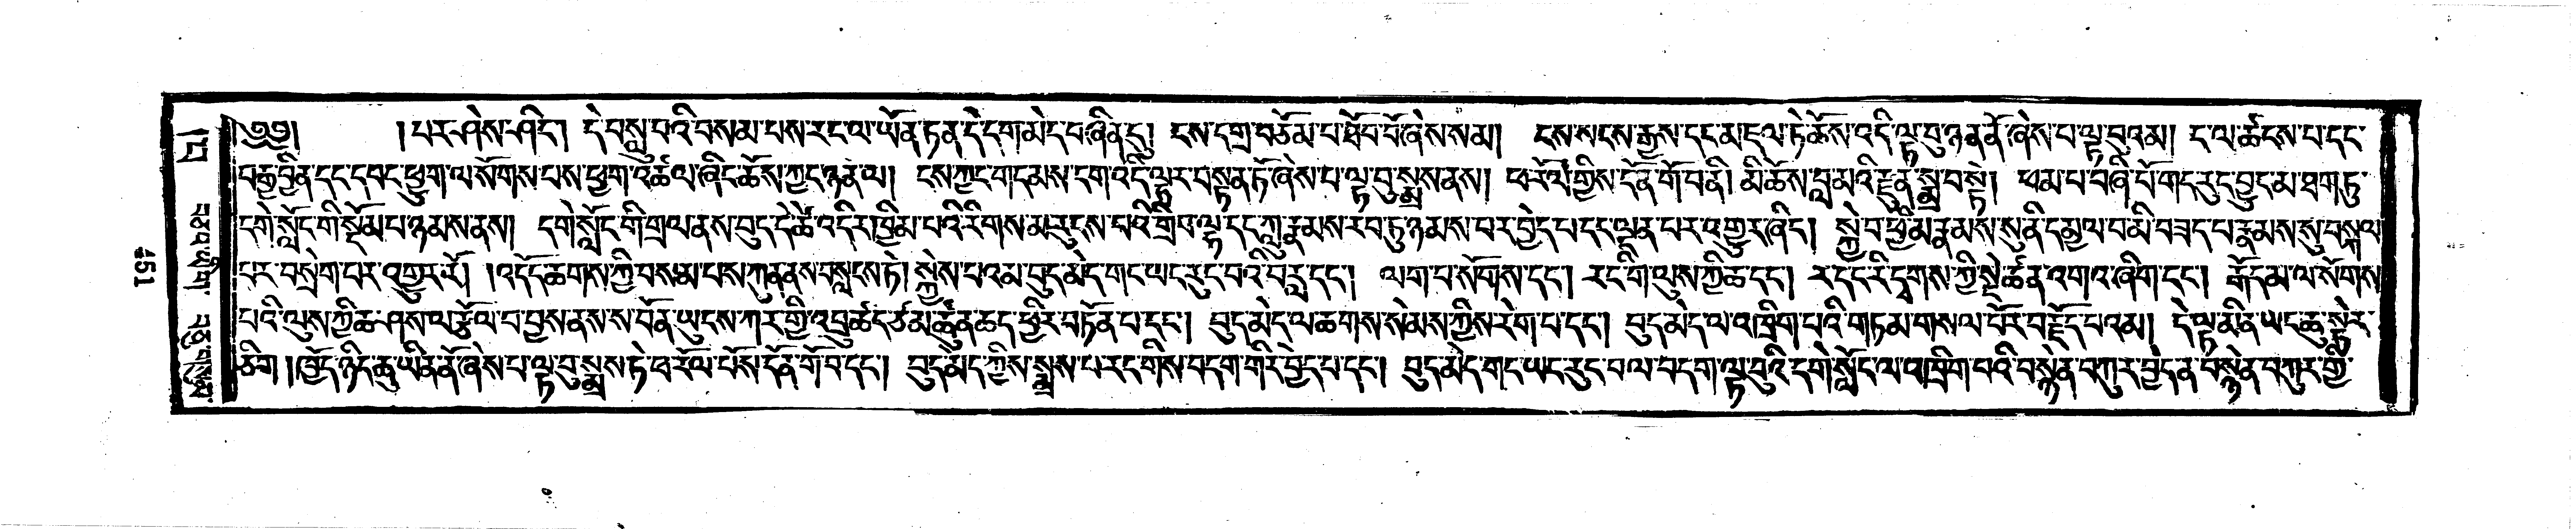༄༅། །པར་ཤེས་ཤིང་། དེ་བསླུ་བའི་བསམ་པས་རང་ལ་ཡོན་ཏན་དེ་དག་མེད་བཞིན་དུ། ངས་དགྲ་བཅོམ་པ་ཐོབ་བོ་ཞེས་སམ། ངས་སངས་རྒྱས་དང་མཇལ་ཏེ་ཆོས་འདི་ལྟ་བུ་ཉན་ནོ་ཞེས་པ་ལྟ་བུའམ། ང་ལ་ཚངས་པ་དང་
བརྒྱ་བྱིན་དང་དབང་ཕྱུག་ལ་སོགས་པས་ཕྱག་འཚལ་ཞིང་ཆོས་ཀྱང་ཉན་ལ། ངས་ཀྱང་གདམས་དག་འདི་ལྟར་བསྟན་ཏོ་ཞེས་པ་ལྟ་བུ་སྨྲས་ནས། ཕ་རོལ་གྱིས་དོན་གོ་བ་ནི། མི་ཆོས་བླ་མའི་རྫུན་སྨྲ་བ་སྟེ། ཕམ་པ་བཞི་པོ་གང་རུང་བྱུང་མ་ཐག་ཏུ་
དགེ་སློང་གི་སྡོམ་པ་ཉམས་ནས། དགེ་སློང་གི་གྲལ་ནས་བུད་དེ་ཚེ་འདིར་ཁྱིམ་པའི་རིགས་མ་རུངས་པའི་གྲིབ་ལྟ་དང་ཀླུ་རྣམས་རབ་ཏུ་ཉམས་བར་བྱེད་པ་དང་ལྡན་པར་འགྱུར་ཞིང་། སྐྱེ་བ་ཕྱི་མ་རྣམས་སུ་ནི་དམྱལ་བ་མི་བཟད་པ་རྣམས་སུ་བསྐལ་
པར་བསྲེག་པར་འགྱུར་རོ། །འདོད་ཆགས་ཀྱི་བསམ་པས་ཀུན་ནས་བསླངས་ཏེ། སྐྱེས་པའམ་བུད་མེད་གང་ཡང་རུང་བའི་བརླ་དང་། ལག་པ་སོགས་དང་། རང་གི་ལུས་ཀྱི་ཆ་དང་། ར་དང་རི་དྭགས་ཀྱི་སྡེ་ཚན་འགའ་ཞིག་དང་། རྒོད་མ་ལ་སོགས་
པའི་ལུས་ཀྱི་ཆ་ཤས་ལ་རྩོལ་བ་བྱས་ནས་བོན་ཡུངས་ཀར་གྱི་འབྲུ་ཚད་ཙམ་ཚུན་ཆད་ཕྱིར་བཏོན་པ་དང་། བུད་མེད་ལ་ཆགས་སེམས་ཀྱིས་རེག་པ་དང་། བུད་མེད་ལ་འཁྲིག་པའི་གཏམ་གསལ་བོར་བརྗོད་པའམ། དེ་ལྟ་མིན་ཡང་ཆུ་སྟེར་
ཅིག །ཁྱོད་ཉིད་ཆུ་ཡིན་ནོ་ཞེས་པ་ལྟ་བུ་སྨྲས་ཏེ་ཕ་རོལ་པོས་དོན་གོ་བ་དང་། བུད་མེད་ཀྱིས་སྨྲས་པ་རང་གིས་བདག་གིར་བྱེད་པ་དང་། བུད་མེད་གང་ཡང་རུང་བ་ལ་བདག་ལྟ་བུའི་དགེ་སློང་ལ་འཁྲིག་བའི་བསྙེན་བཀུར་བྱེད་ན་བསྙེན་བཀུར་གྱི་